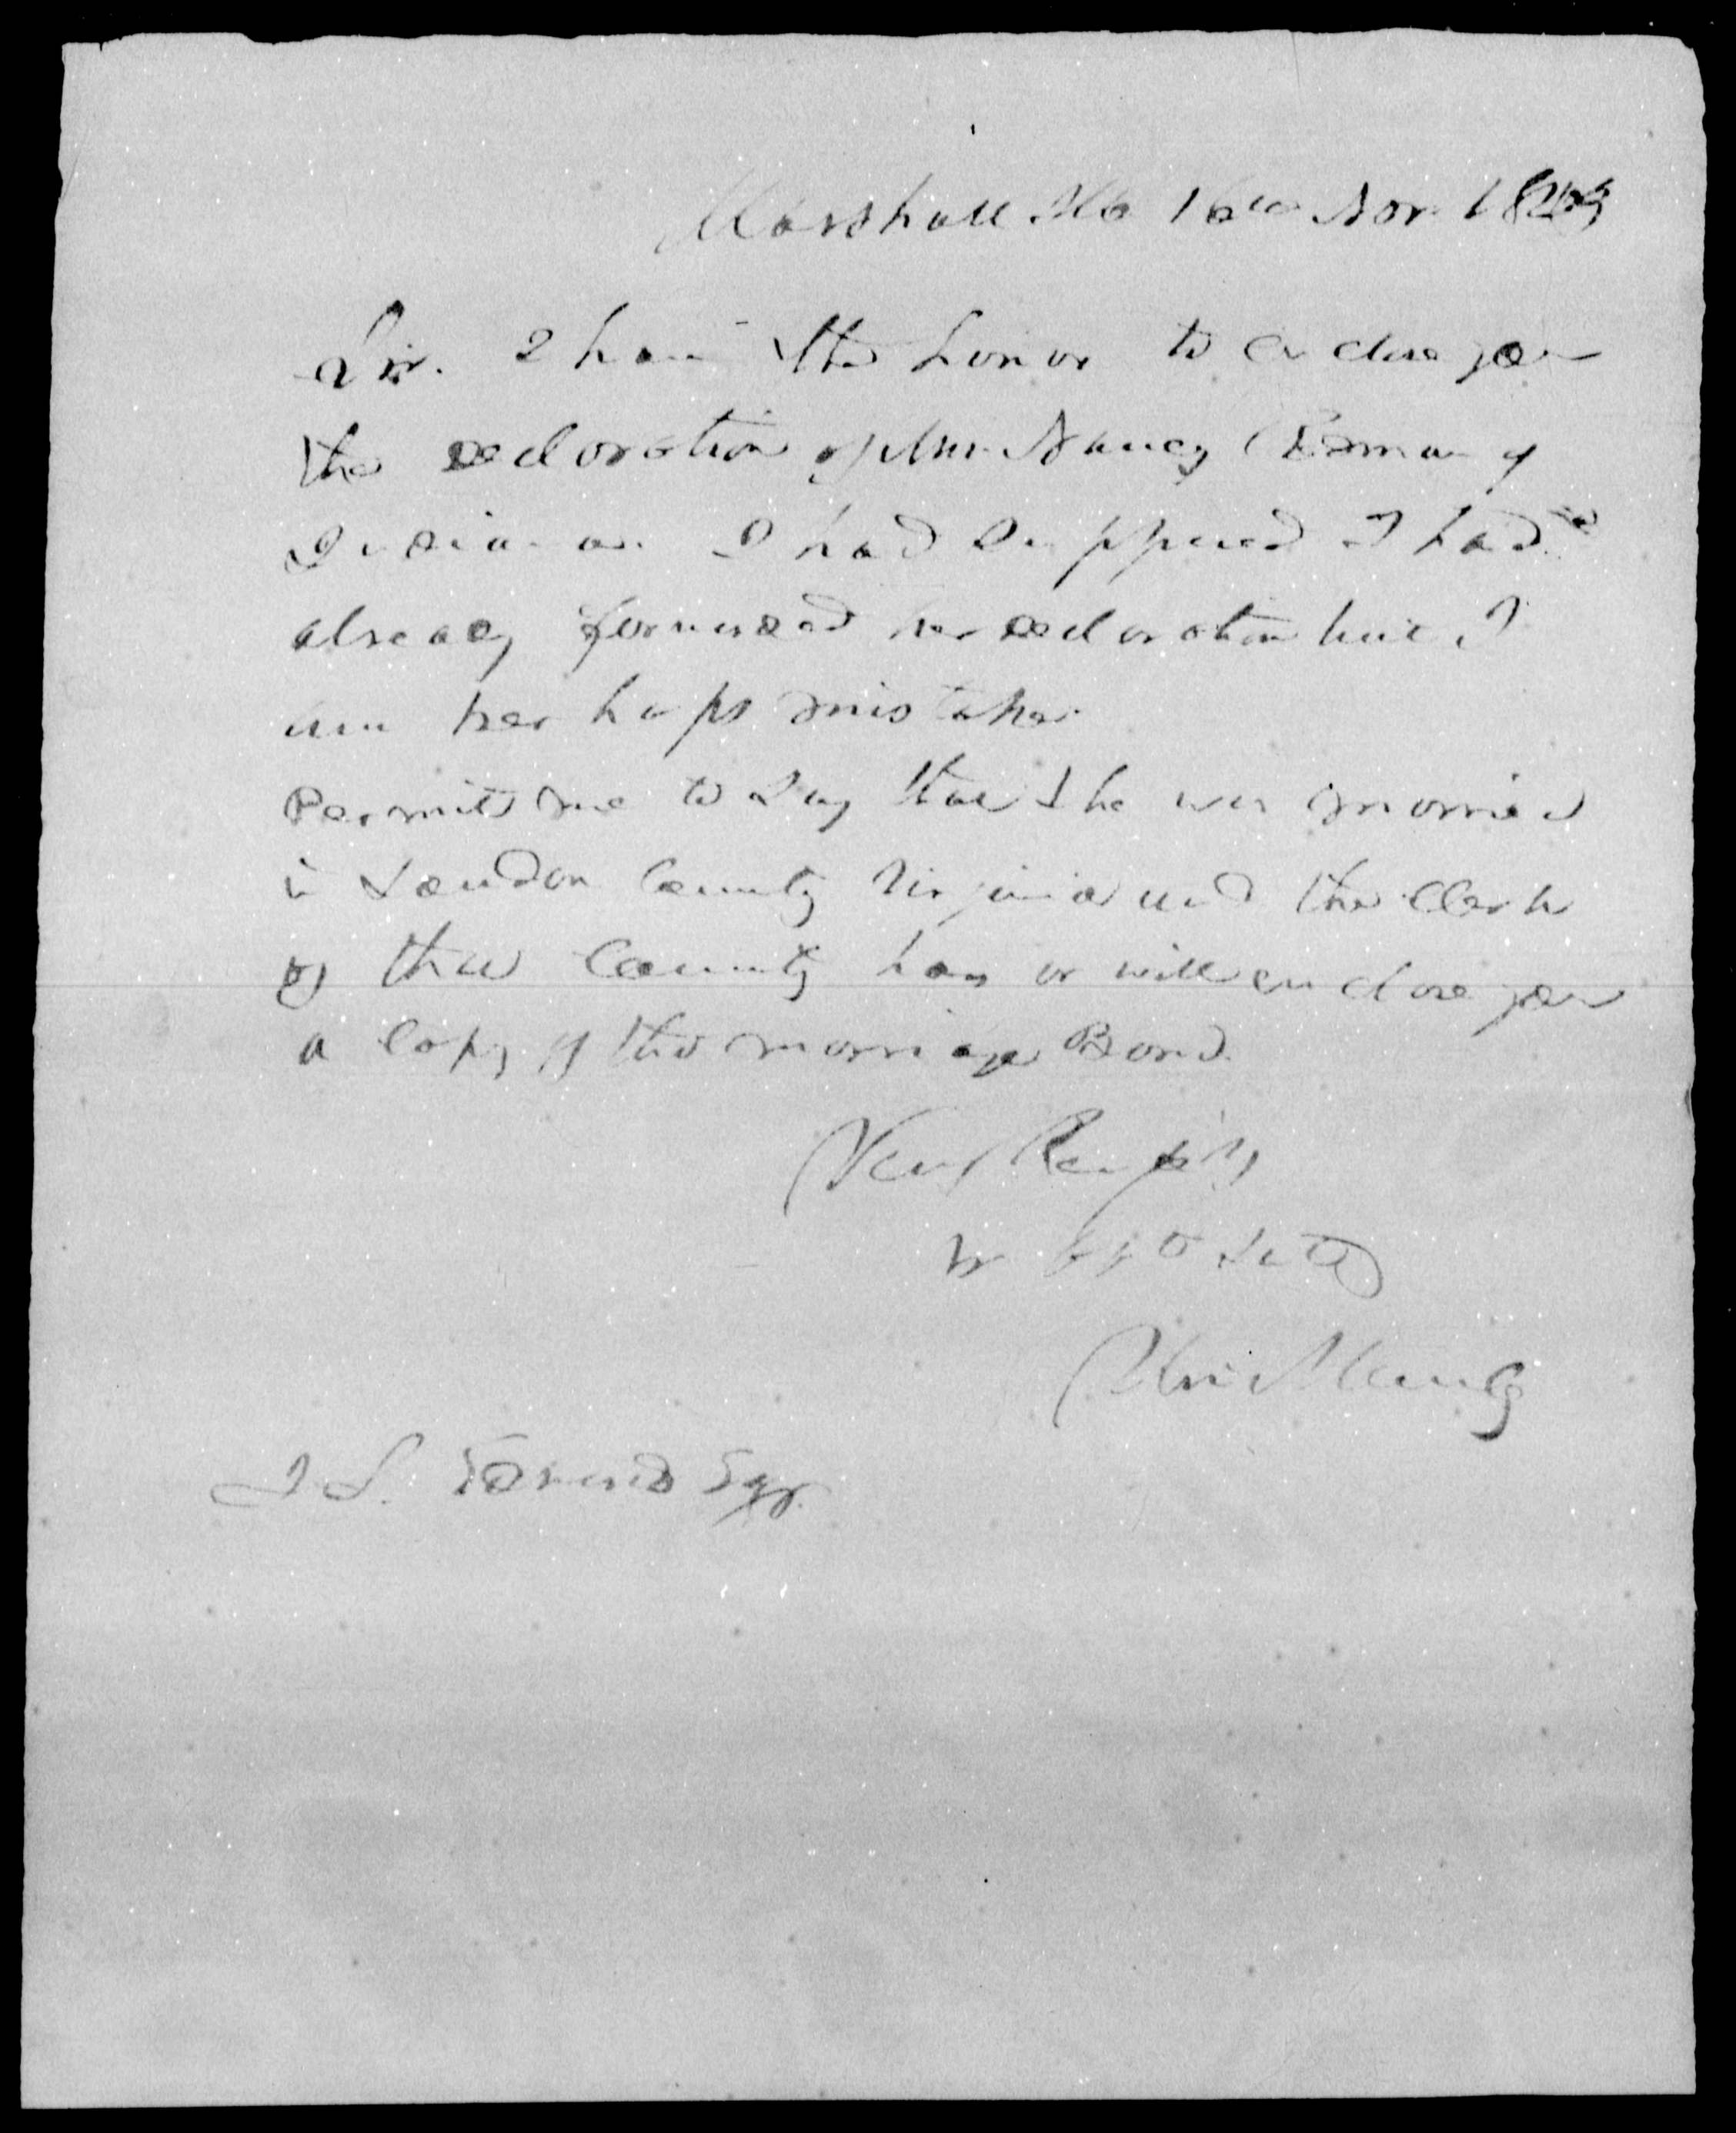Marshall Ky[?]  16th Nov 184
Sir.
I have the honor to enclose you the declaration of Mrs. Nancy Redman of Indiana  I had supposed I had already furnished her declaration but I am perhaps mistaken.
Permit me to say that she was married in Loudon County Virginia and the clerk of the County has or will enclose you a copy of the marriage bond.
Very respy
Yr obt sevt
Uri Manly

JL. Edwards Esqr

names: [BLANK] Morrice; Nancy Redman; Uri Manly; J L Edwards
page: 28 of 57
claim: widow's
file: W. 9,622, for Aaron Redman, Virginia